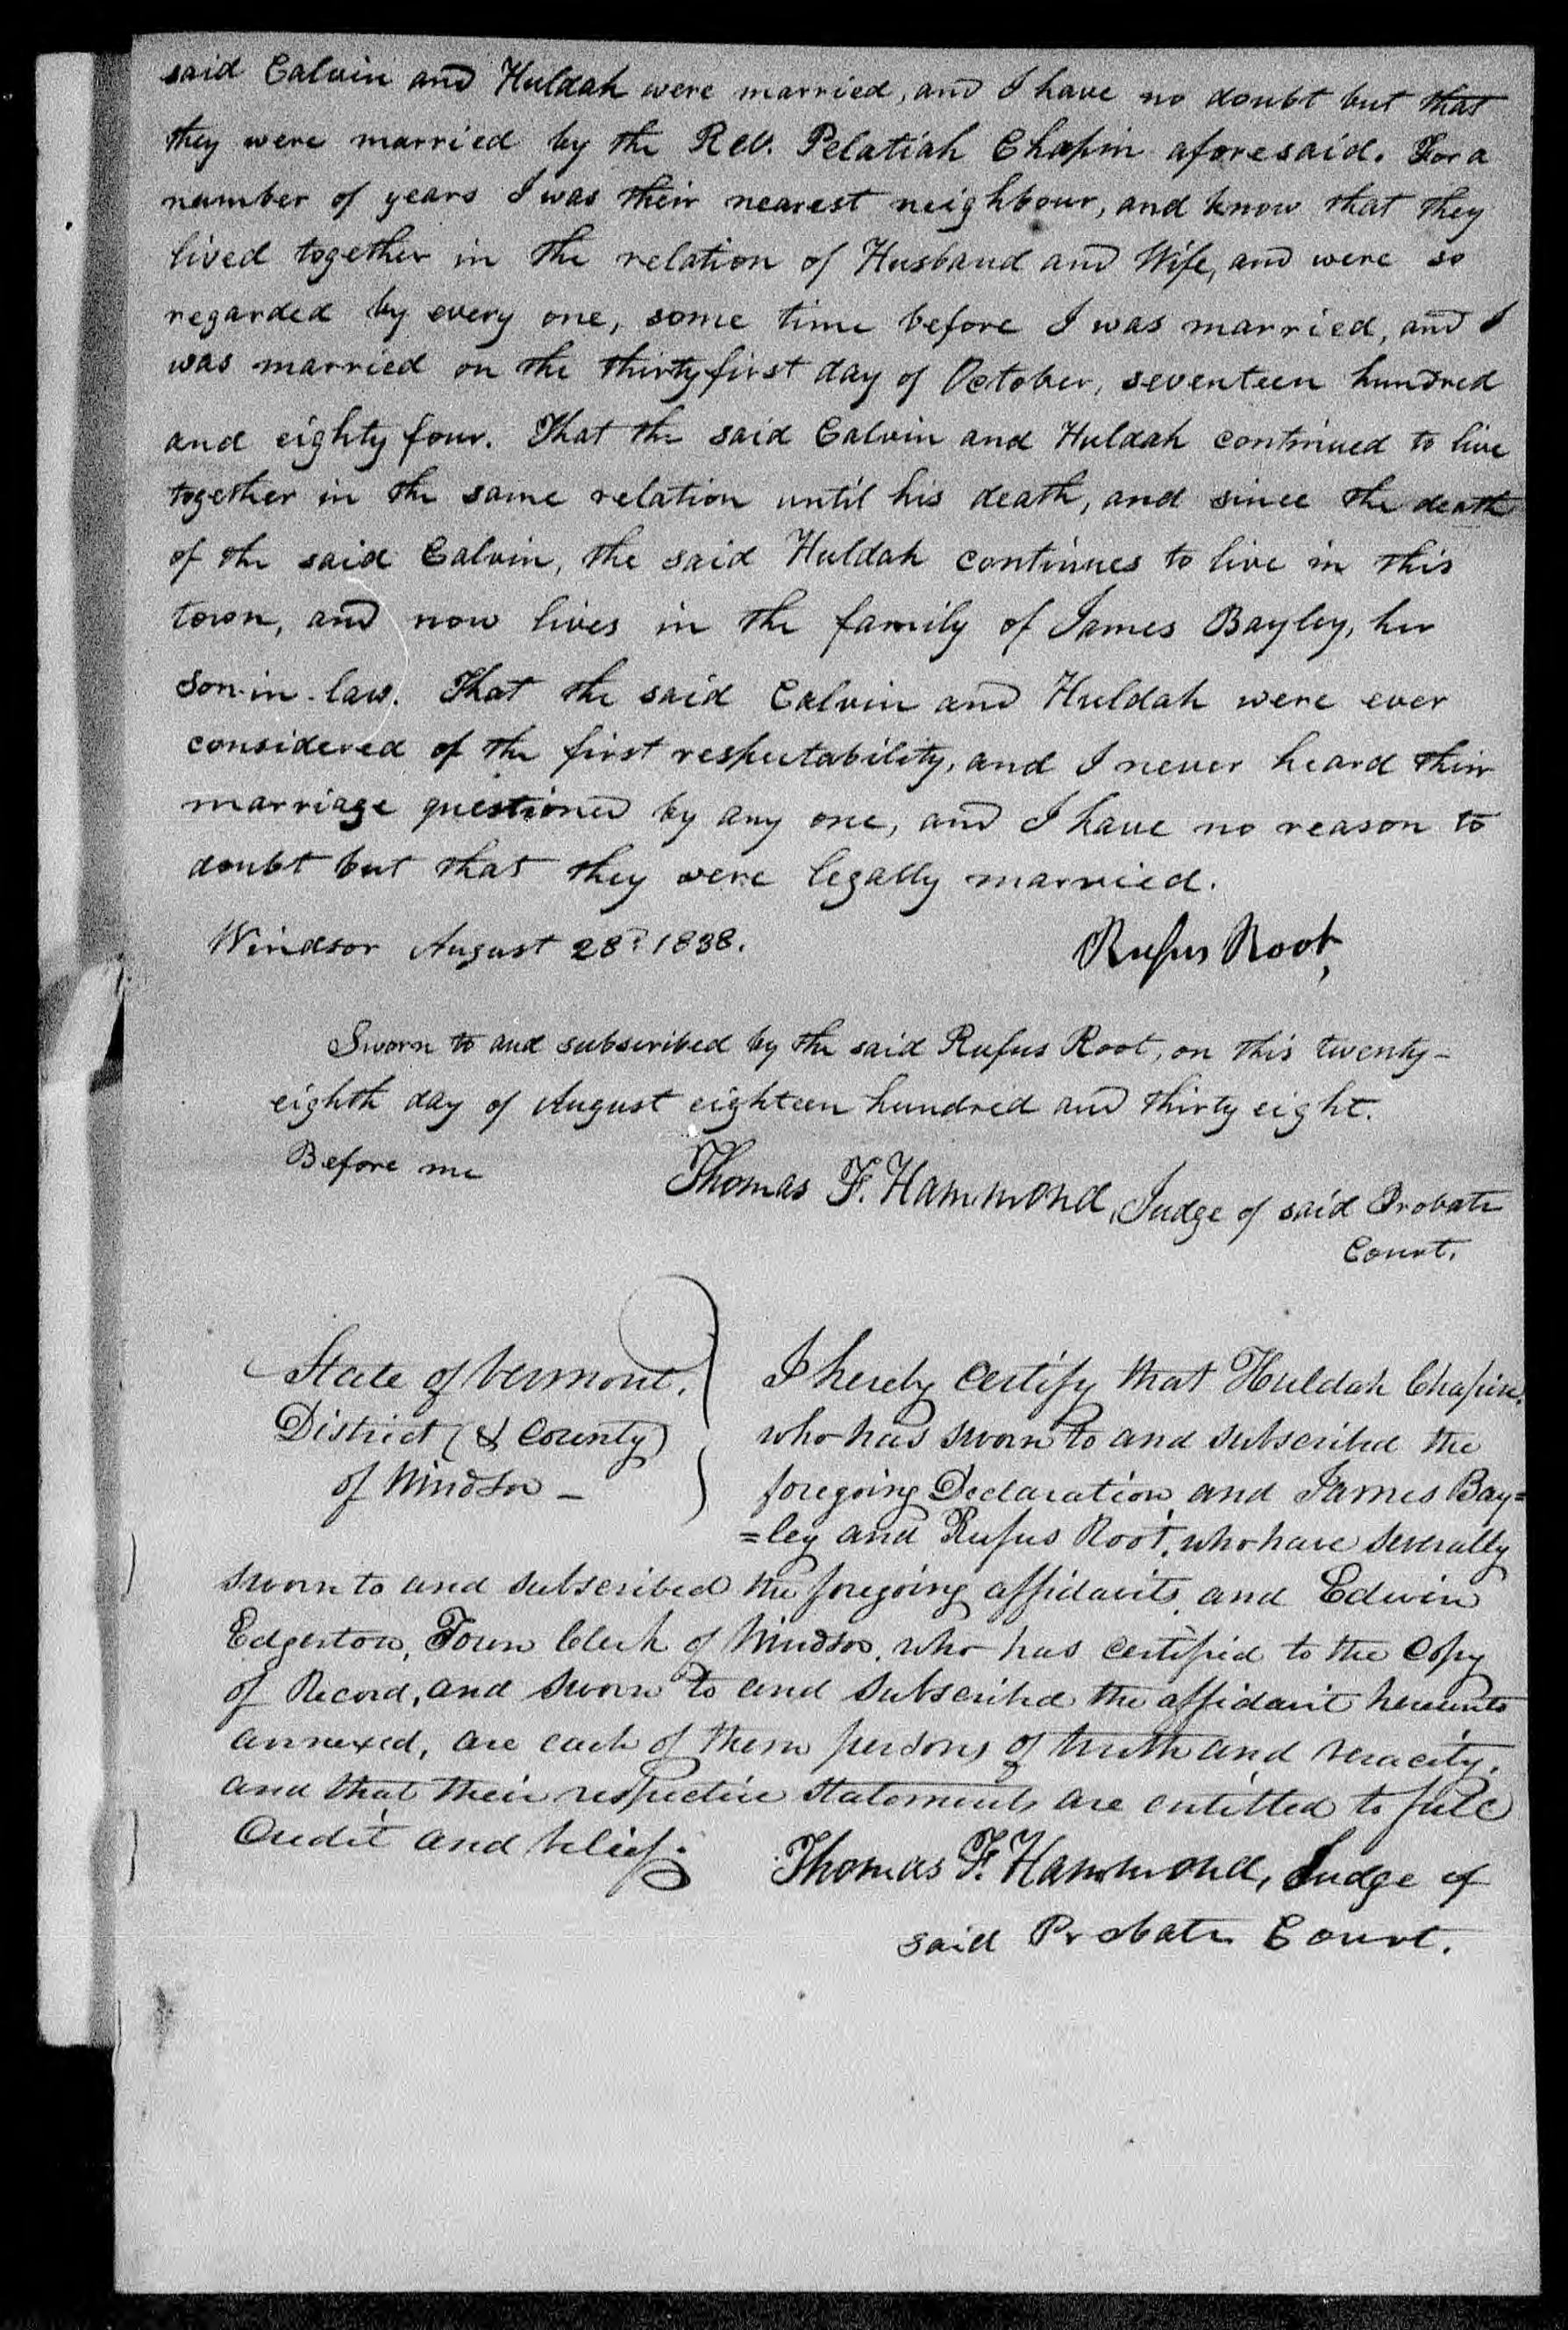said Calvin and Huldah were married, and I have no doubt but that they were married by the Rev. Pelatiah Chapin aforesaid. For a number of years I was their nearest neighbour, and know that they lived together in the relation of Husband and Wife, and were so regarded by every one, some time before I was married, and I was married on the thirty first day of October, seventeen hundred and eighty four. That the said Calvin and Huldah continued to live together in the same relation until his death, and since the death of the said Calvin, the said Huldah continues to live in this town, and now lives in the family of James Bayley, her son-in-law. That the said Calvin and Huldah were ever considered of the first respectability, and I never heard their marriage questioned by any one, and I have no reason to doubt but that they were legally married.
Windsor August 28 1838.
                             Rufus Root

Sworn to and subscribed by the said Rufus Root, on this twenty eighth day of August eighteen hundred and thirty eight.
Before me Thomas F. Hammond, Judge of said Probate Court.

State of Vermont    [bracket]
District & County   [bracket]
of Windsor             [bracket] 
I hereby certify that Huldah Chapin, who has sworn to and subscribed the foregoing Declaration and James Bayley and Rufus Root, wo have severally sworn to and subscribed the foregoing affidavits and Edwin Edgerton, Town Clerk of Windsor, who has certified to the Copy of Record, and sworn to and subscribed the affidavit hereunto annexed, are each of them persons of truth and veracity, and that their respective statements are entitled to full credit and belief.   Thomas F. Hammond, Judge of the said Probate Court.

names: Rufus Root, James Bayley, Rufus Root, Thomas F Hammond, James Bayley, Pelatiah Chapin, Huldah, Calvin, Huldah, Calvin, Edwin Edgerton, Huldah, Calvin, Thomas F Hammond, Huldah Chapin, Calvin, Rufus Root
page: 10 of 35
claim: widow's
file: W. 20,864, Calvin Chapin, Mass. Vt.